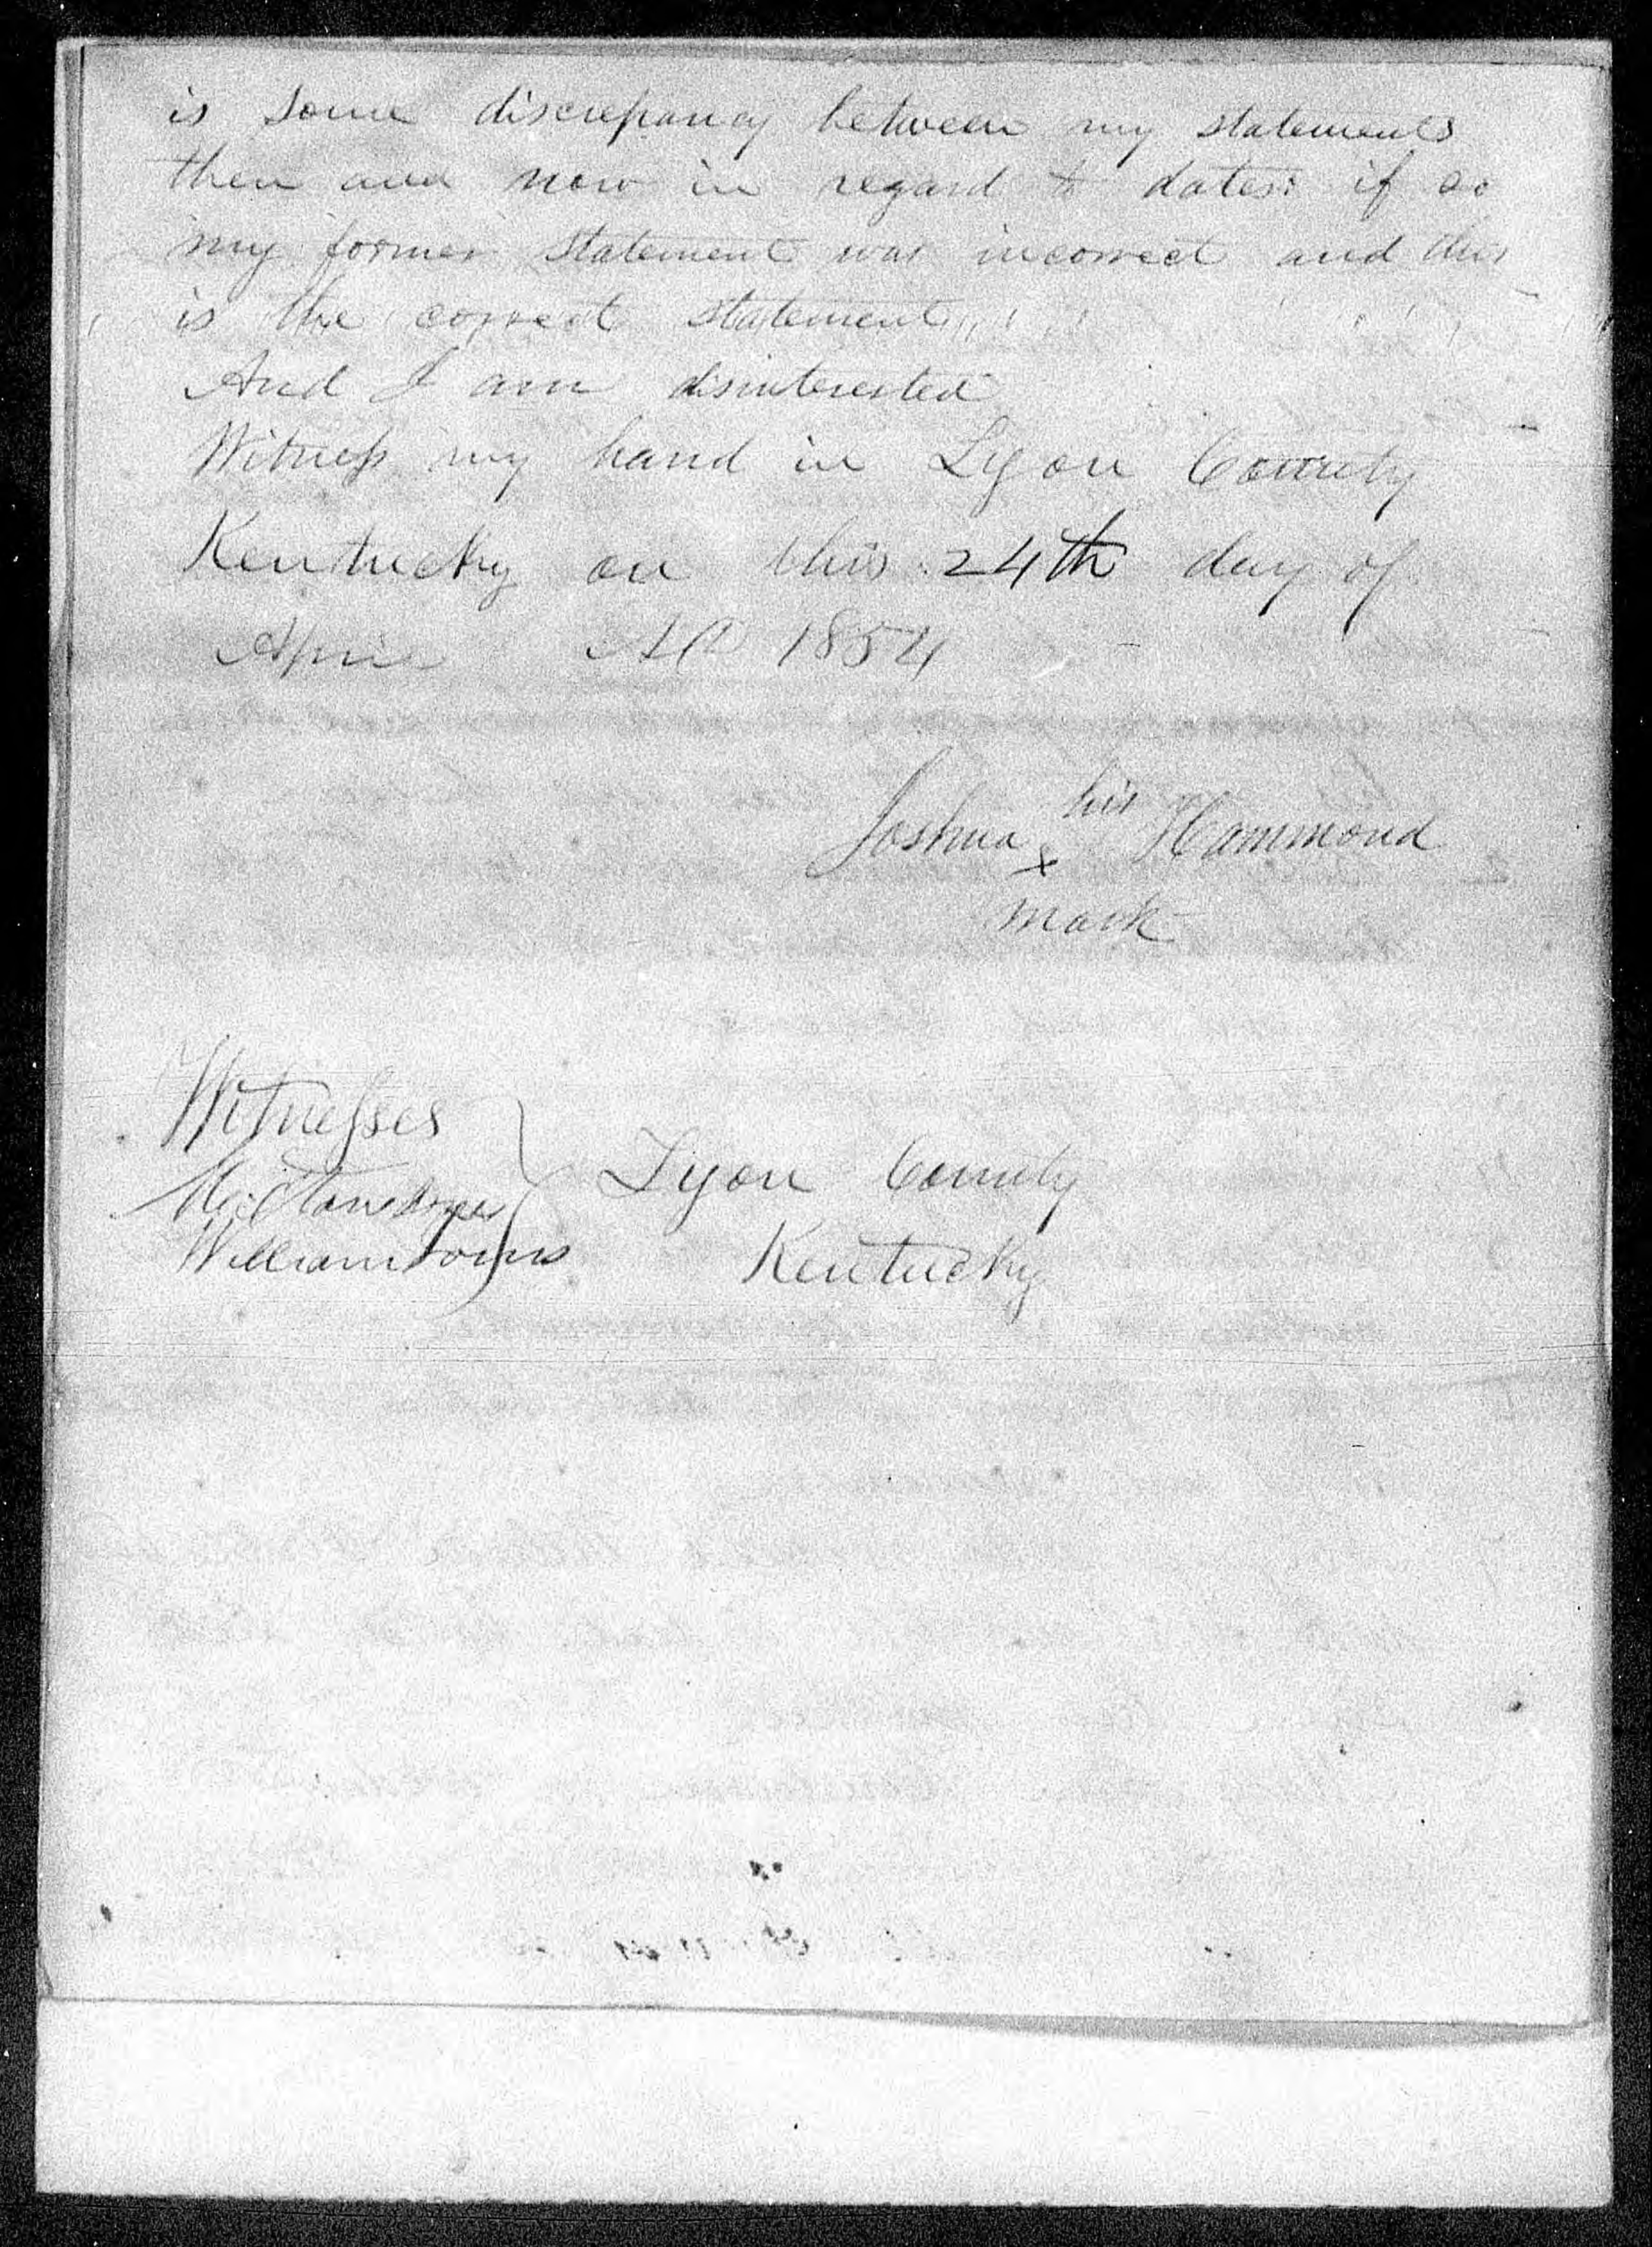is some discrepancy between my statements then and now in regard to dates: if so my former Statement was incorrect and this is the correct Statement
And I am Disinterested
Witness my hand in Lyon County Kentucky on this 24th day of April A. D. 1854

Joshua  his X Mark  Hammond

Witnesses
Milton Jones
William Jones }  Lyon County
Kentucky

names: William Jones, Milton Jones, Joshua Hammond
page: 64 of 75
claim: widow's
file: W. 8876, Thomas Gregory, Continental Va